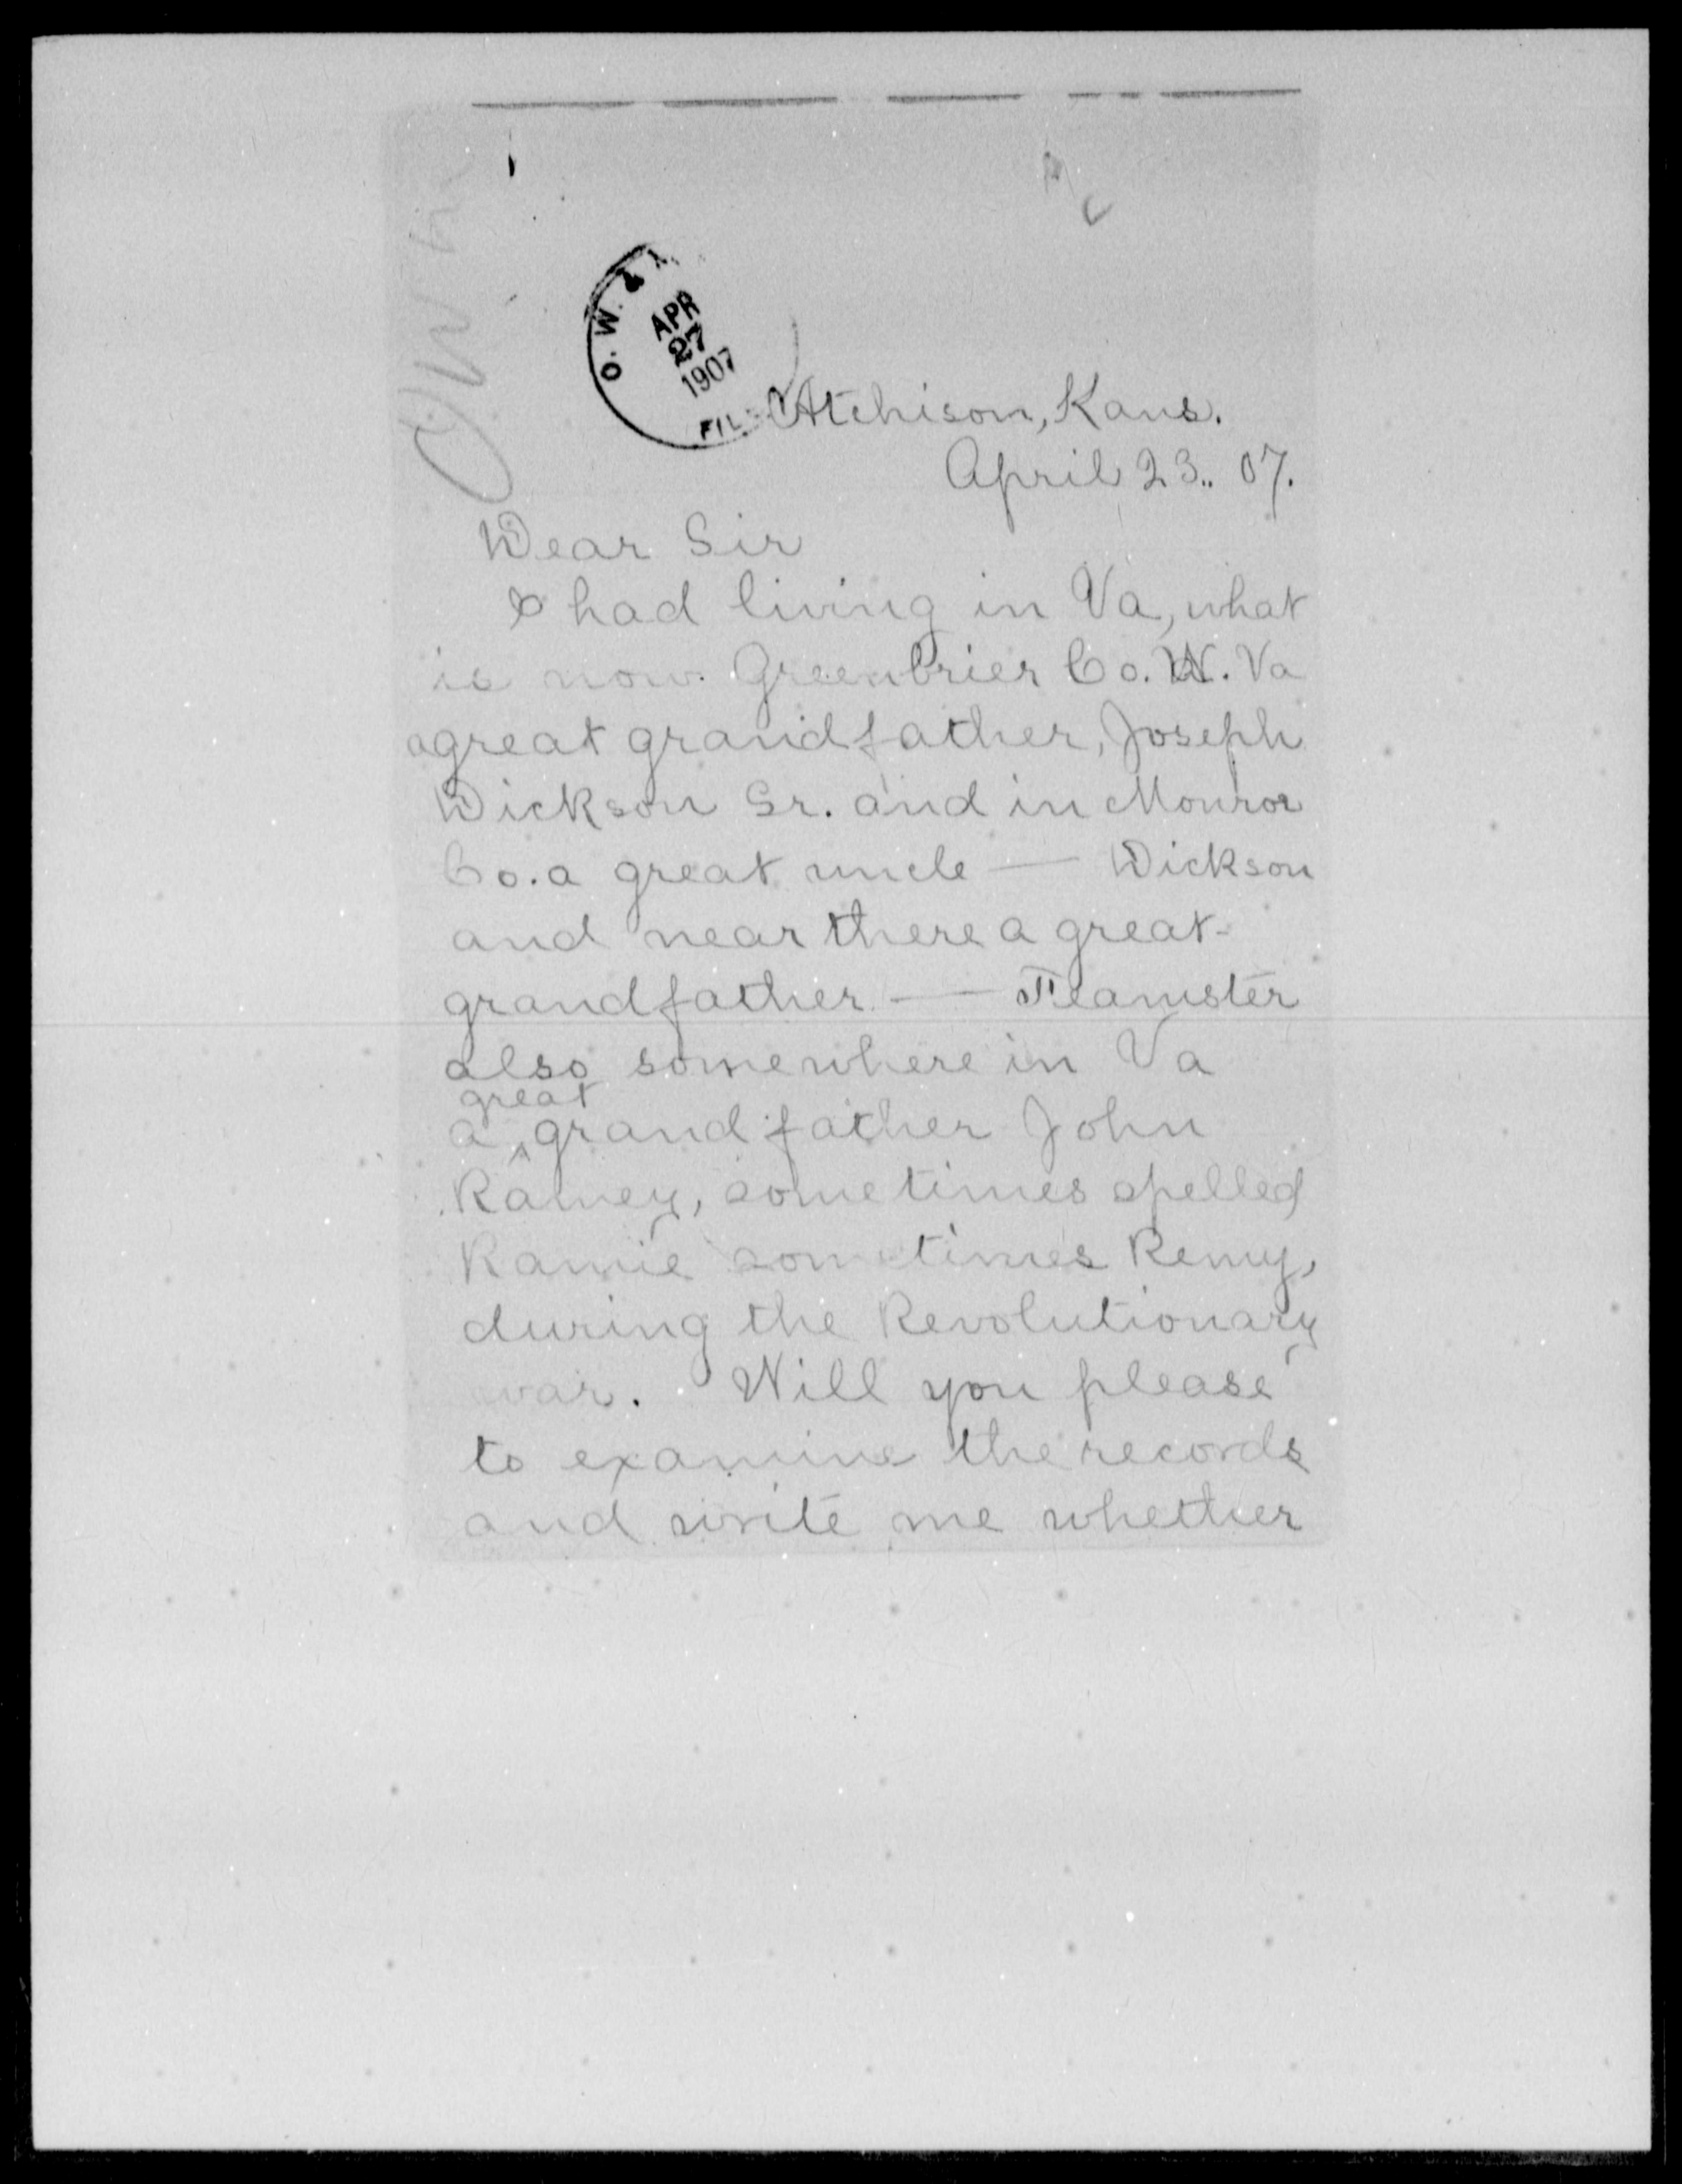O. W. & N.
APR 27 1907
FILES
Atchison, Kans.
April 23, 07.
Dear Sir
I had living in Va, what is now Greenbrier Co. W. Va a great grandfather, Joseph Dickson Sr. and in Monroe Co. a great uncle - Dickson and near there a great grandfather - Flamster also somewhere in Va a great grandfather John Ramey, sometimes spelled Ramie sometimes Remy, during the Revolutionary war. Will you please to examine the records and write me whether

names: John Ramey; [BLANK] Dickson; Joseph Dickson; [BLANK] Remy; [BLANK] Ramie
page: 21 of 84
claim: widow's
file: W.11104, for John Remay, Virginia